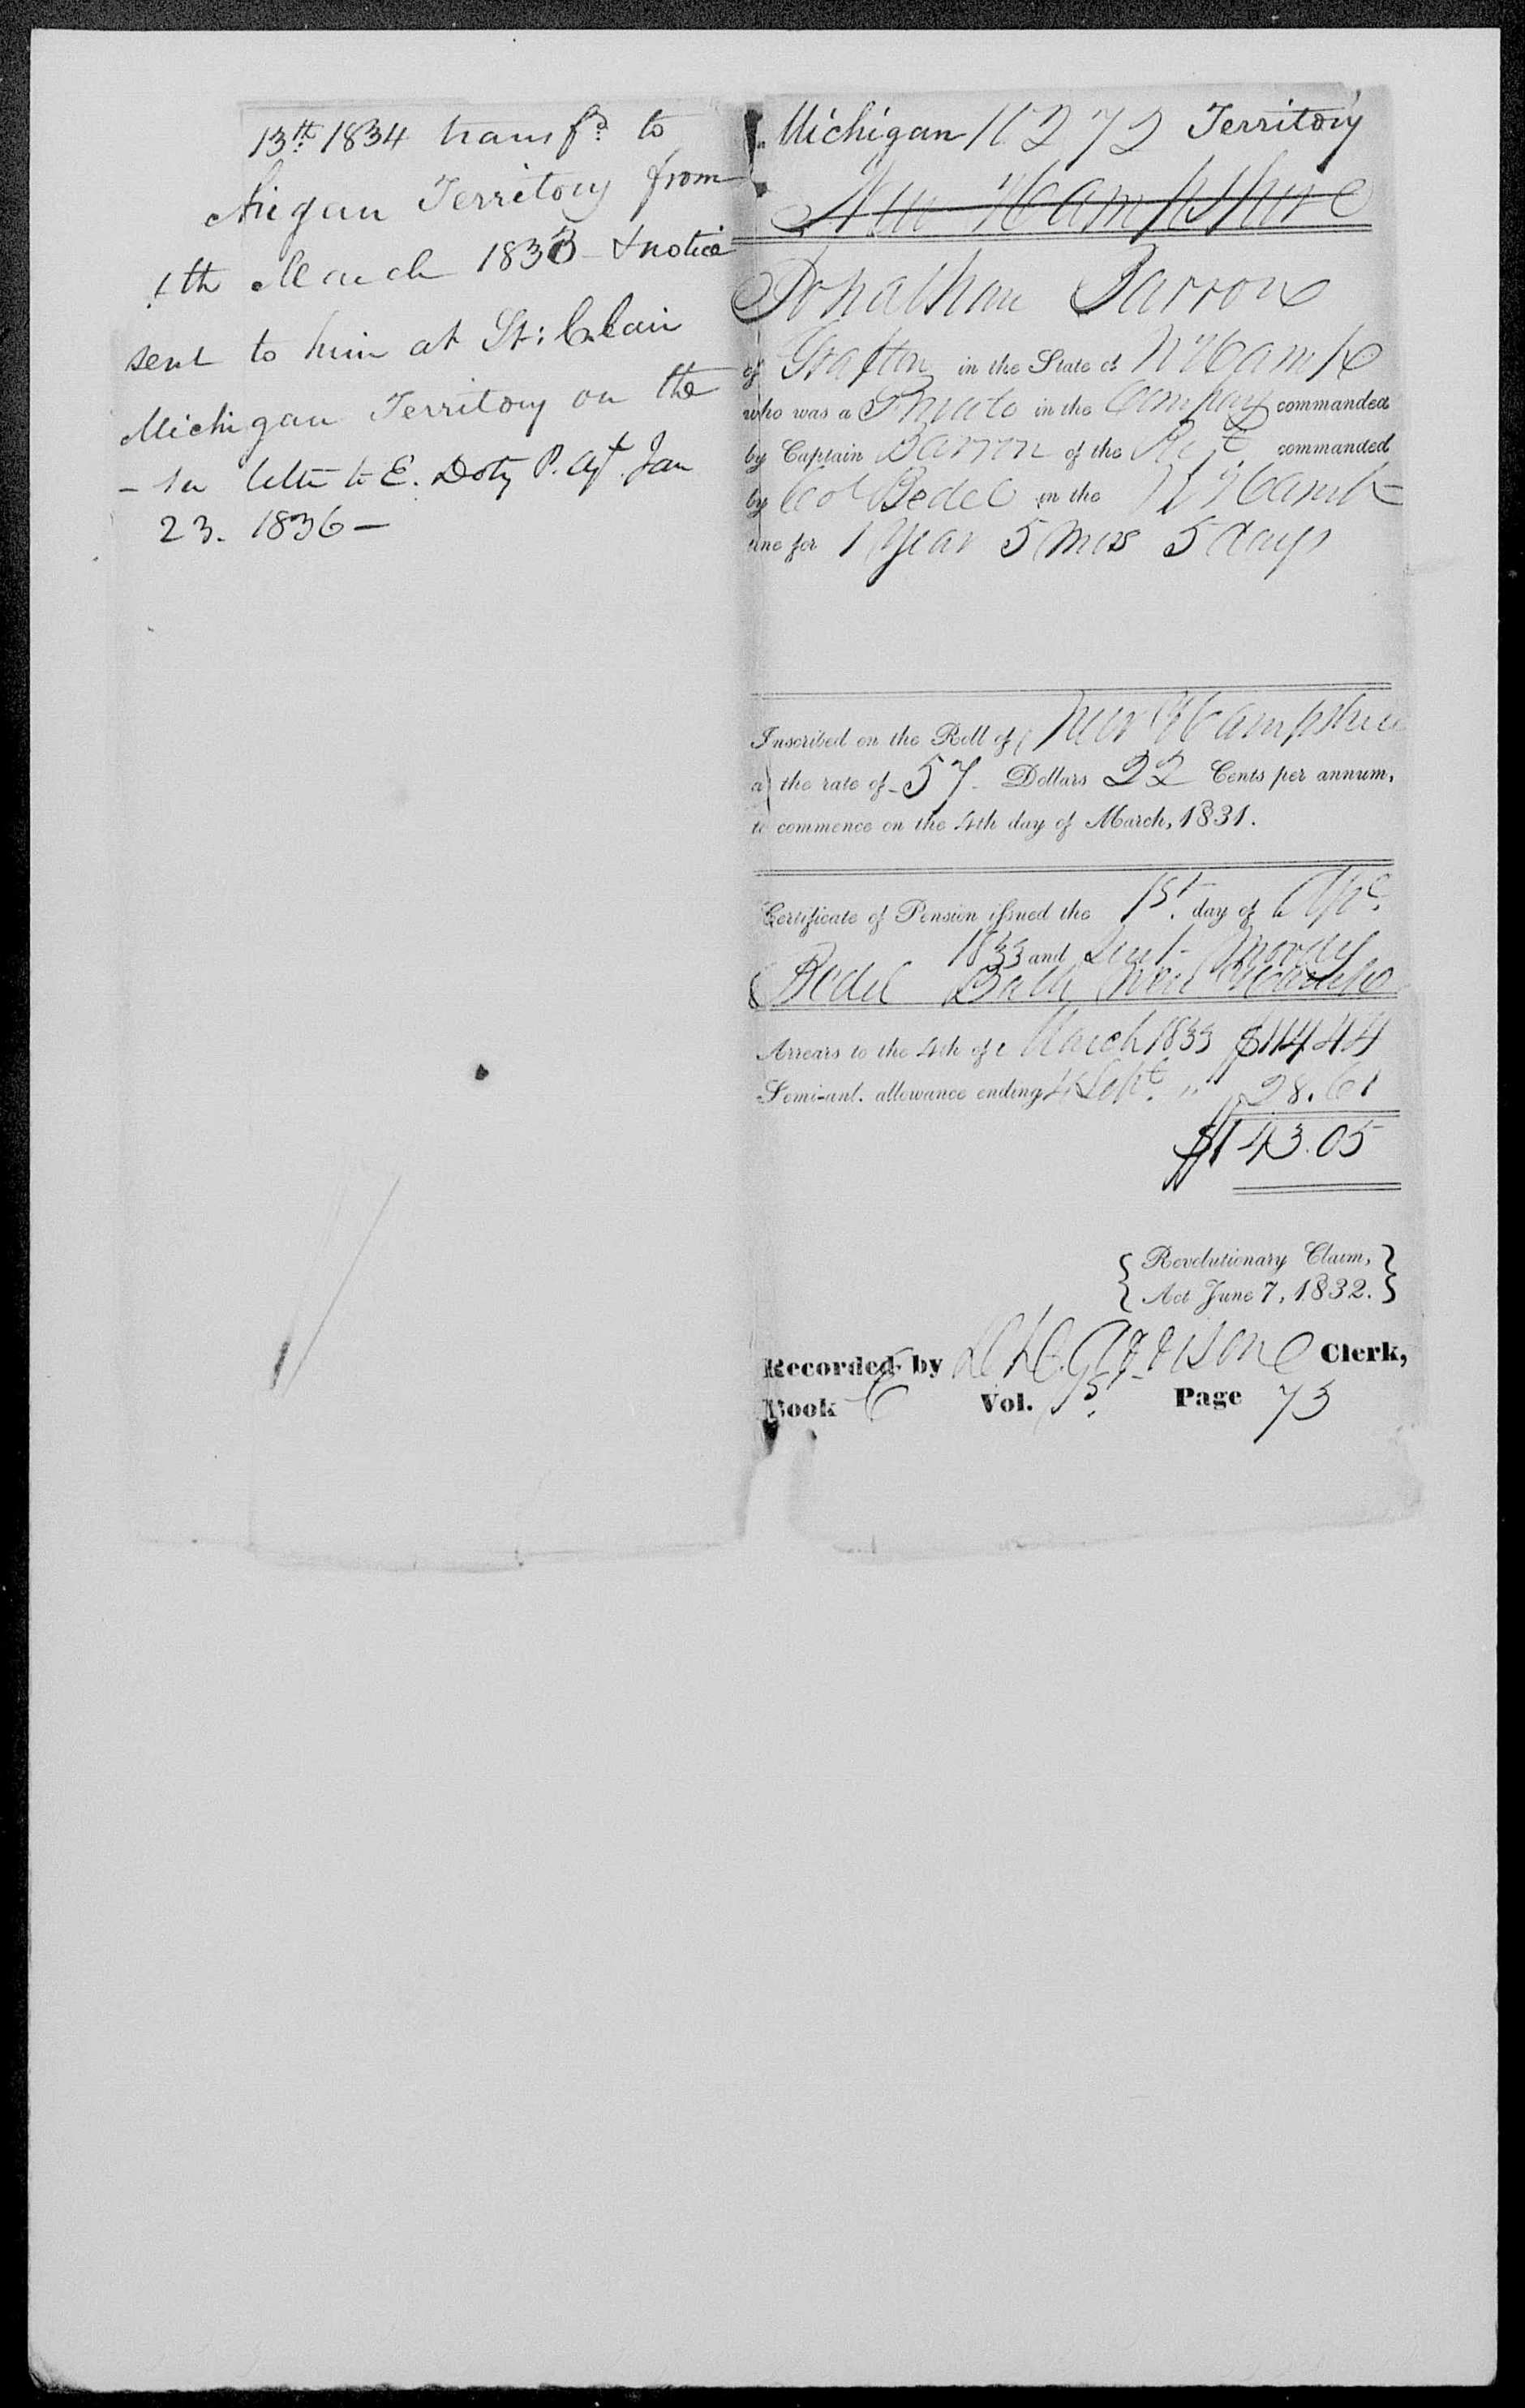[Left of centerfold]
[top left corner missing affecting text as shown]
[ ] 13th 1834 transfer to [Mi]chigan Territory from [ ] 4th March 183[ ] & notice sent to him an St. Clair Michigan Territory on the [illegible] letter to E. Doty P. [illegible] Jan 23, 1836.

[Right of centerfold]
Michigan 11272 Territory
New Hampshire [crossed out]
Jonathan Barron
of Grafton in the State of N Hamp
who was a Private in the Company commanded by Captain Barron of the Regt commanded by Col Bedel in the N Hamp. line for 1 Year 5 Mos 5 days.

Inscribed on the Roll of New Hampshire at the rate of 57 Dollars 22 Cents per annum, to commence on the 4th day of March, 1834.

Certificate of Pension issued the 1st day Apr. 1833 and [illegible] Moody
Bedd Ba[illegible]

Arrears to the 4th of March 1833  $114.44
Semi-anl. allowance ending 4 Sept. " 28.61
$143.05

{Revolutionary Claim, Act June 7, 1832.}

Recorded by D. D. Addison Clerk, 
Book 6 Vol 15 Page 73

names: E Doty, Jonathan Barron, Moody Bedel, Barron, Bedel, D D Addison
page: 2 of 25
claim: survivor's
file: S. 28986, Jonathan Barron, N.H.